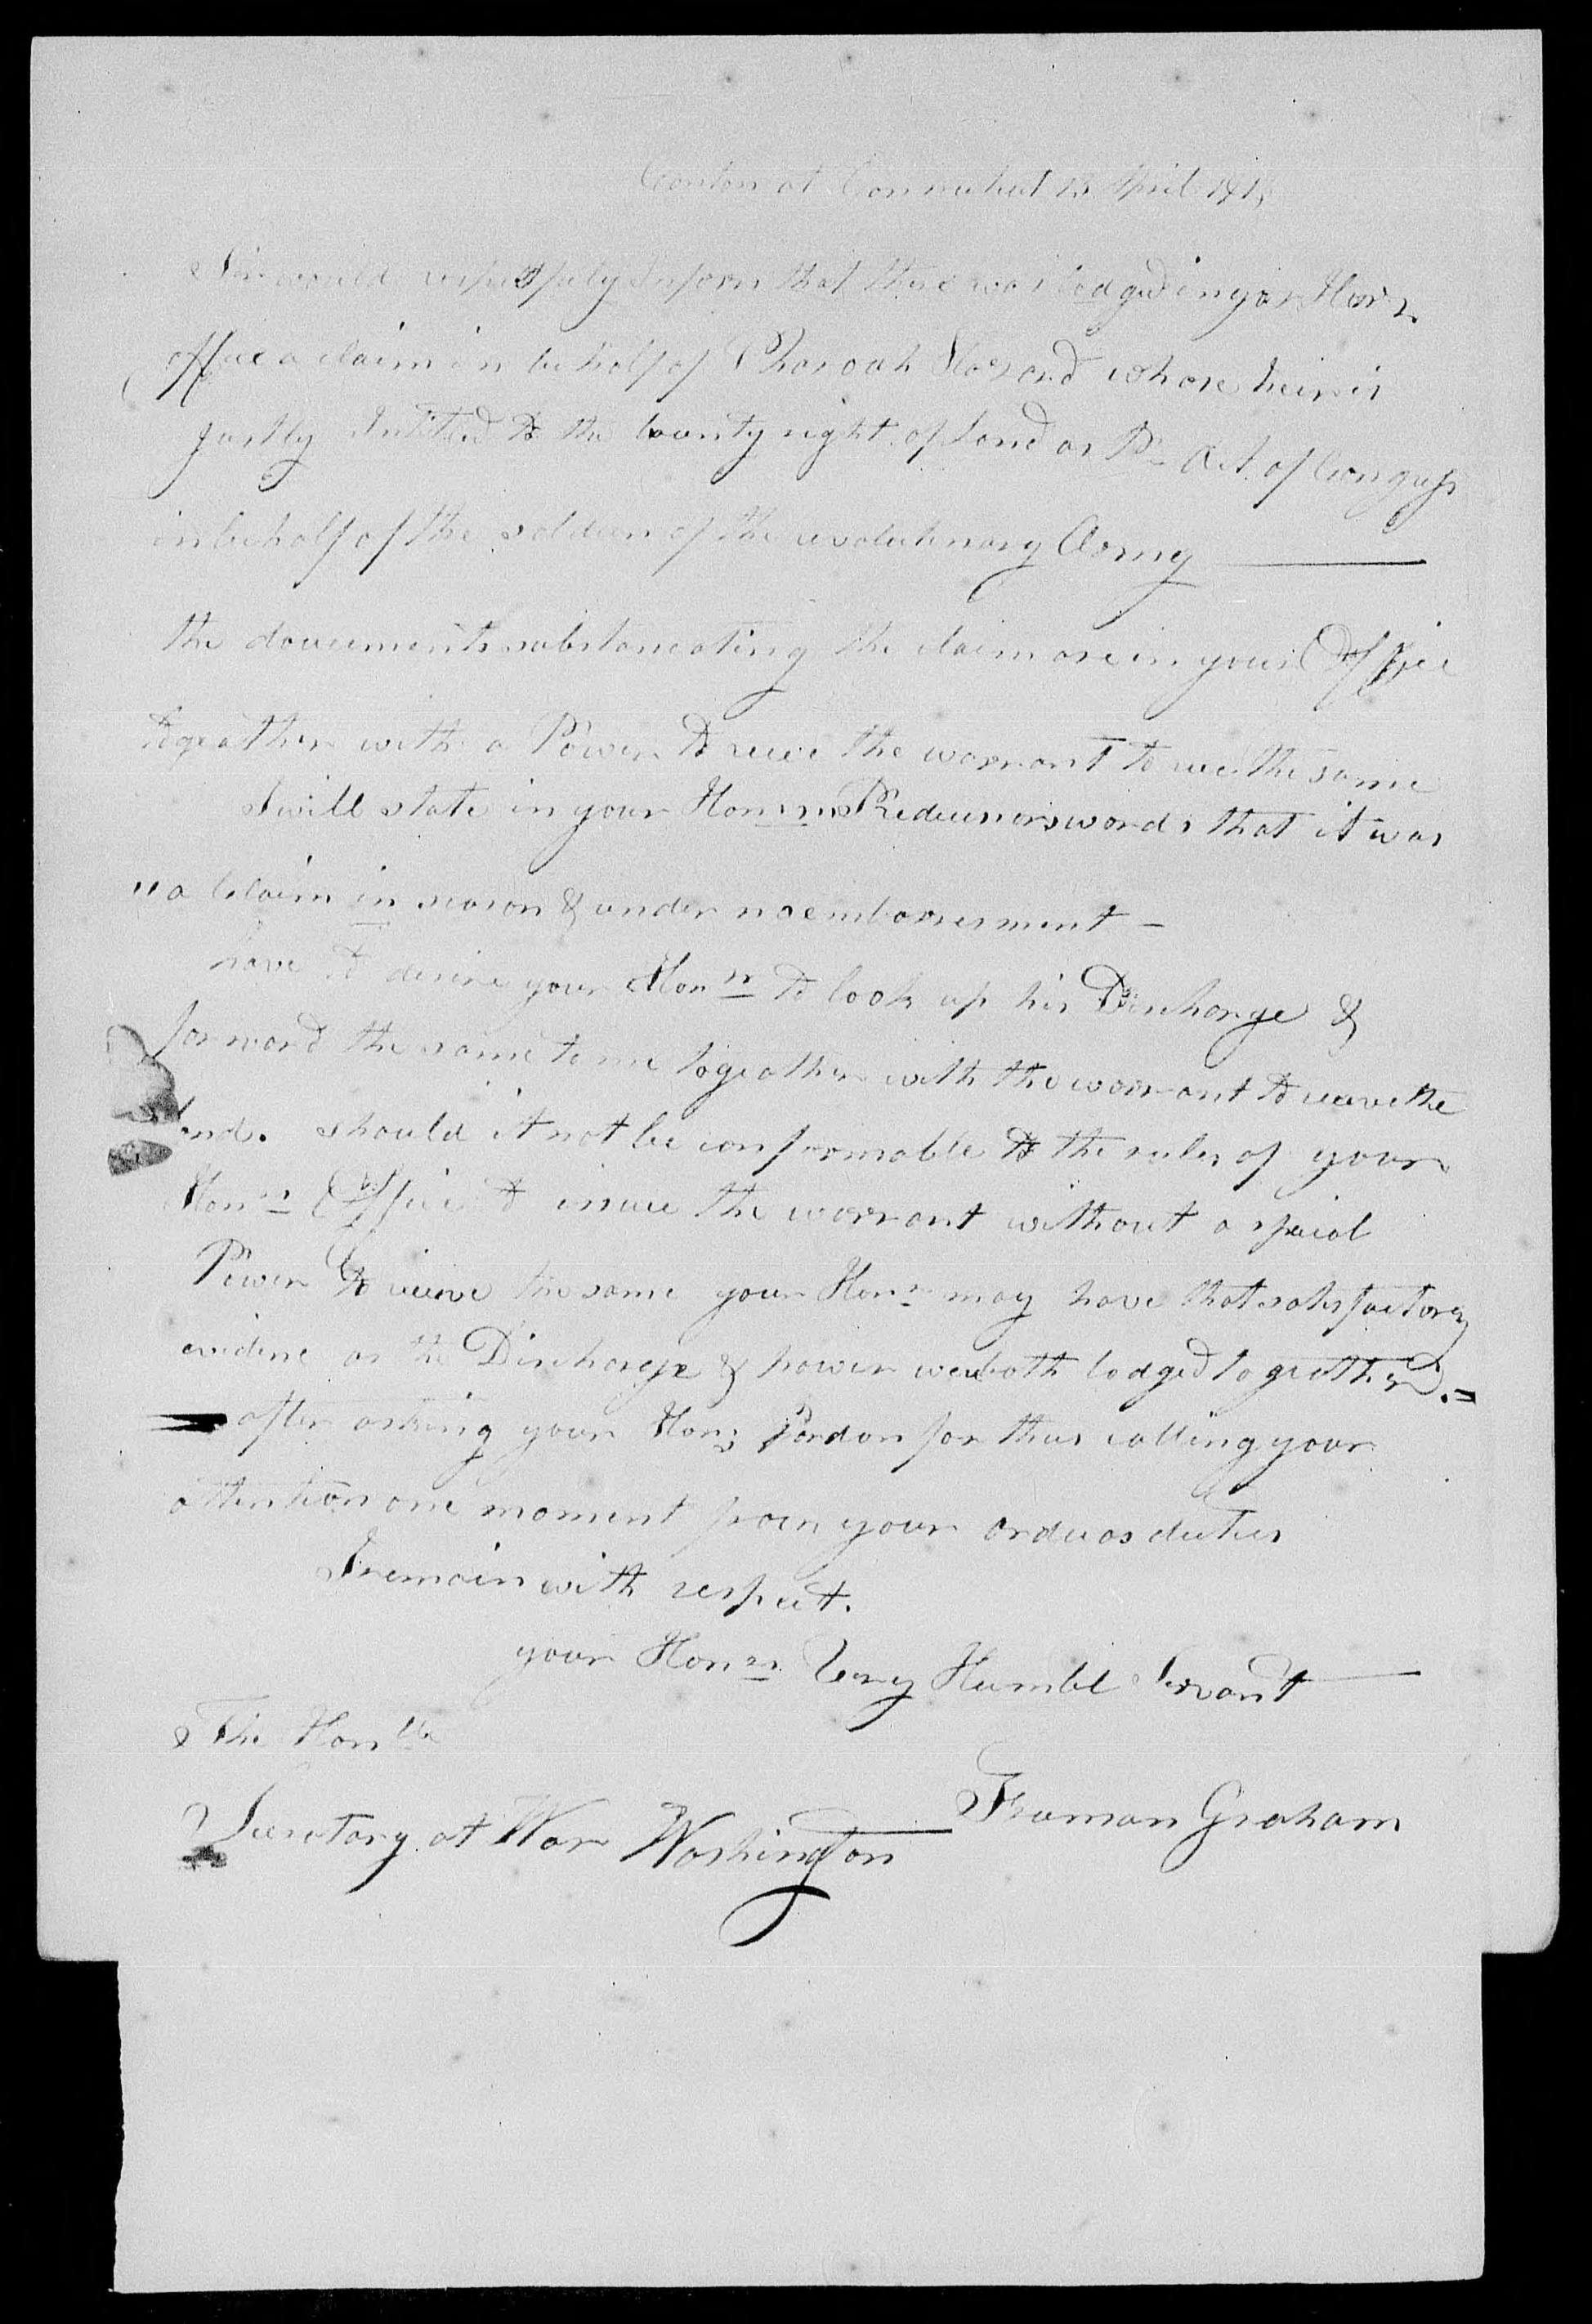Canton at Connecticut 13 April 18[?]

Sir would respectfuly inform that there was lodged in your Honrs Office a claim in behalf of Pharoah Hazard whose heir is justly entitled in behalf of the soldier of the revolutionary Army -
 the documents substaneating [substantiating] the claim are in your Office together with a Power to [?] the warrant to me the same
 I will state in your Honrs [Prednors?] words that it was a claim in [season?] & under no [emtorssment?] -
 have to desire your Honr to look up his Discharge & forward the same to me together with the warrant to wave the [?and]. should it not be conformable to the rules of your Honrs Office to issue the warrant without a speial? [special?]
Person to receive the same your Honr may have that satisfactory evidence as the Discharge & power were both lodged together.
 after asking your Honrs Pardon for thus calling your attention one moment from your arduos [arduous] duties
 I remain with respect
 your Honrs Very Humble Servant
  Froman Graham
The Honble
Secretary at War Washington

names: Pharoah Hazard, Froman Graham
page: 6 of 7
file: Rej. B. L., Pharaoh Hazerd, R.I.